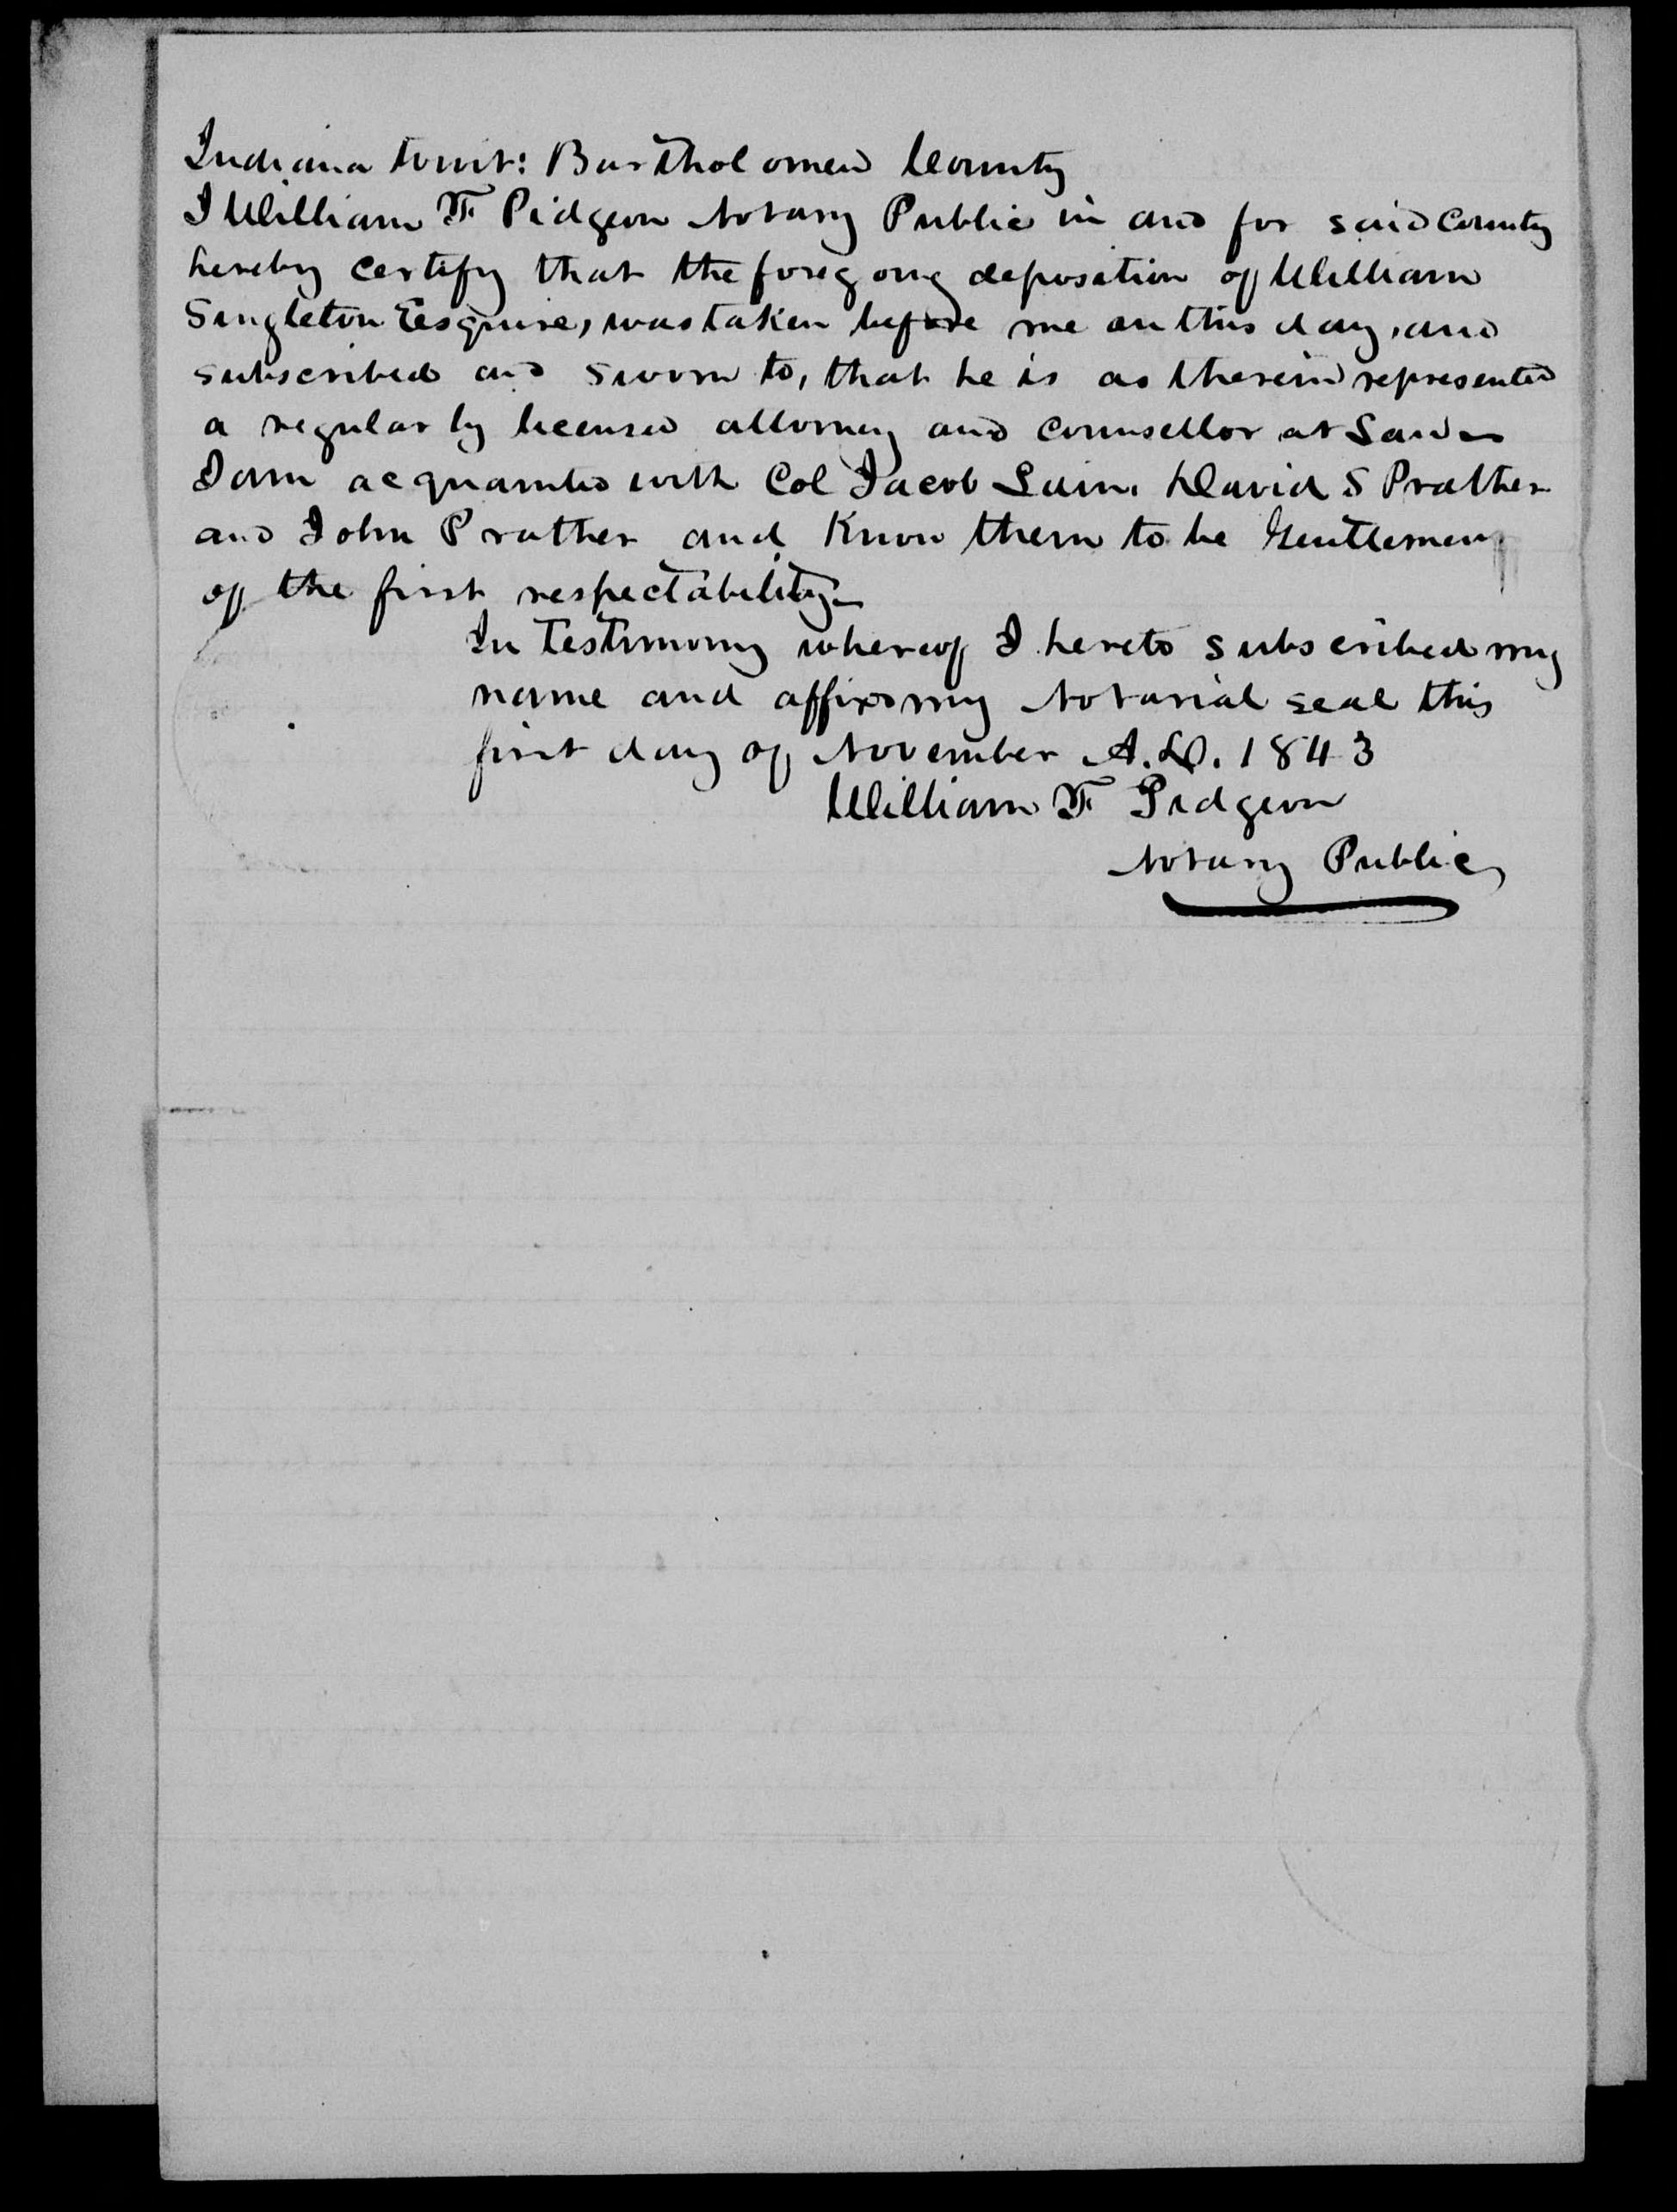Indiana Towit: Bartholomew County

I William F. Pidgeon Notary Public in and for said County hereby certify that the foregoing deposition of William Singleton Esquire, was taken before me on this day and subscribed and sworn to, that he is as therein represented a regularly licensed attorney and Counsellor at Law-- I am acquainted with Col Jacob Lain, David S Prather and John Prather and know them to be Gentlemen of the first respectability--

In testimony whereof I hereto subscribed my name and affixed my notarial seal this first day of November A.D. 1843

[signed] William F. Pidgeon
Notary Public

[illegible Notary Seal affixed at left]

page: 58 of 78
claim: widow's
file: W. 25,169, for Daniel Sullivan, Maryland